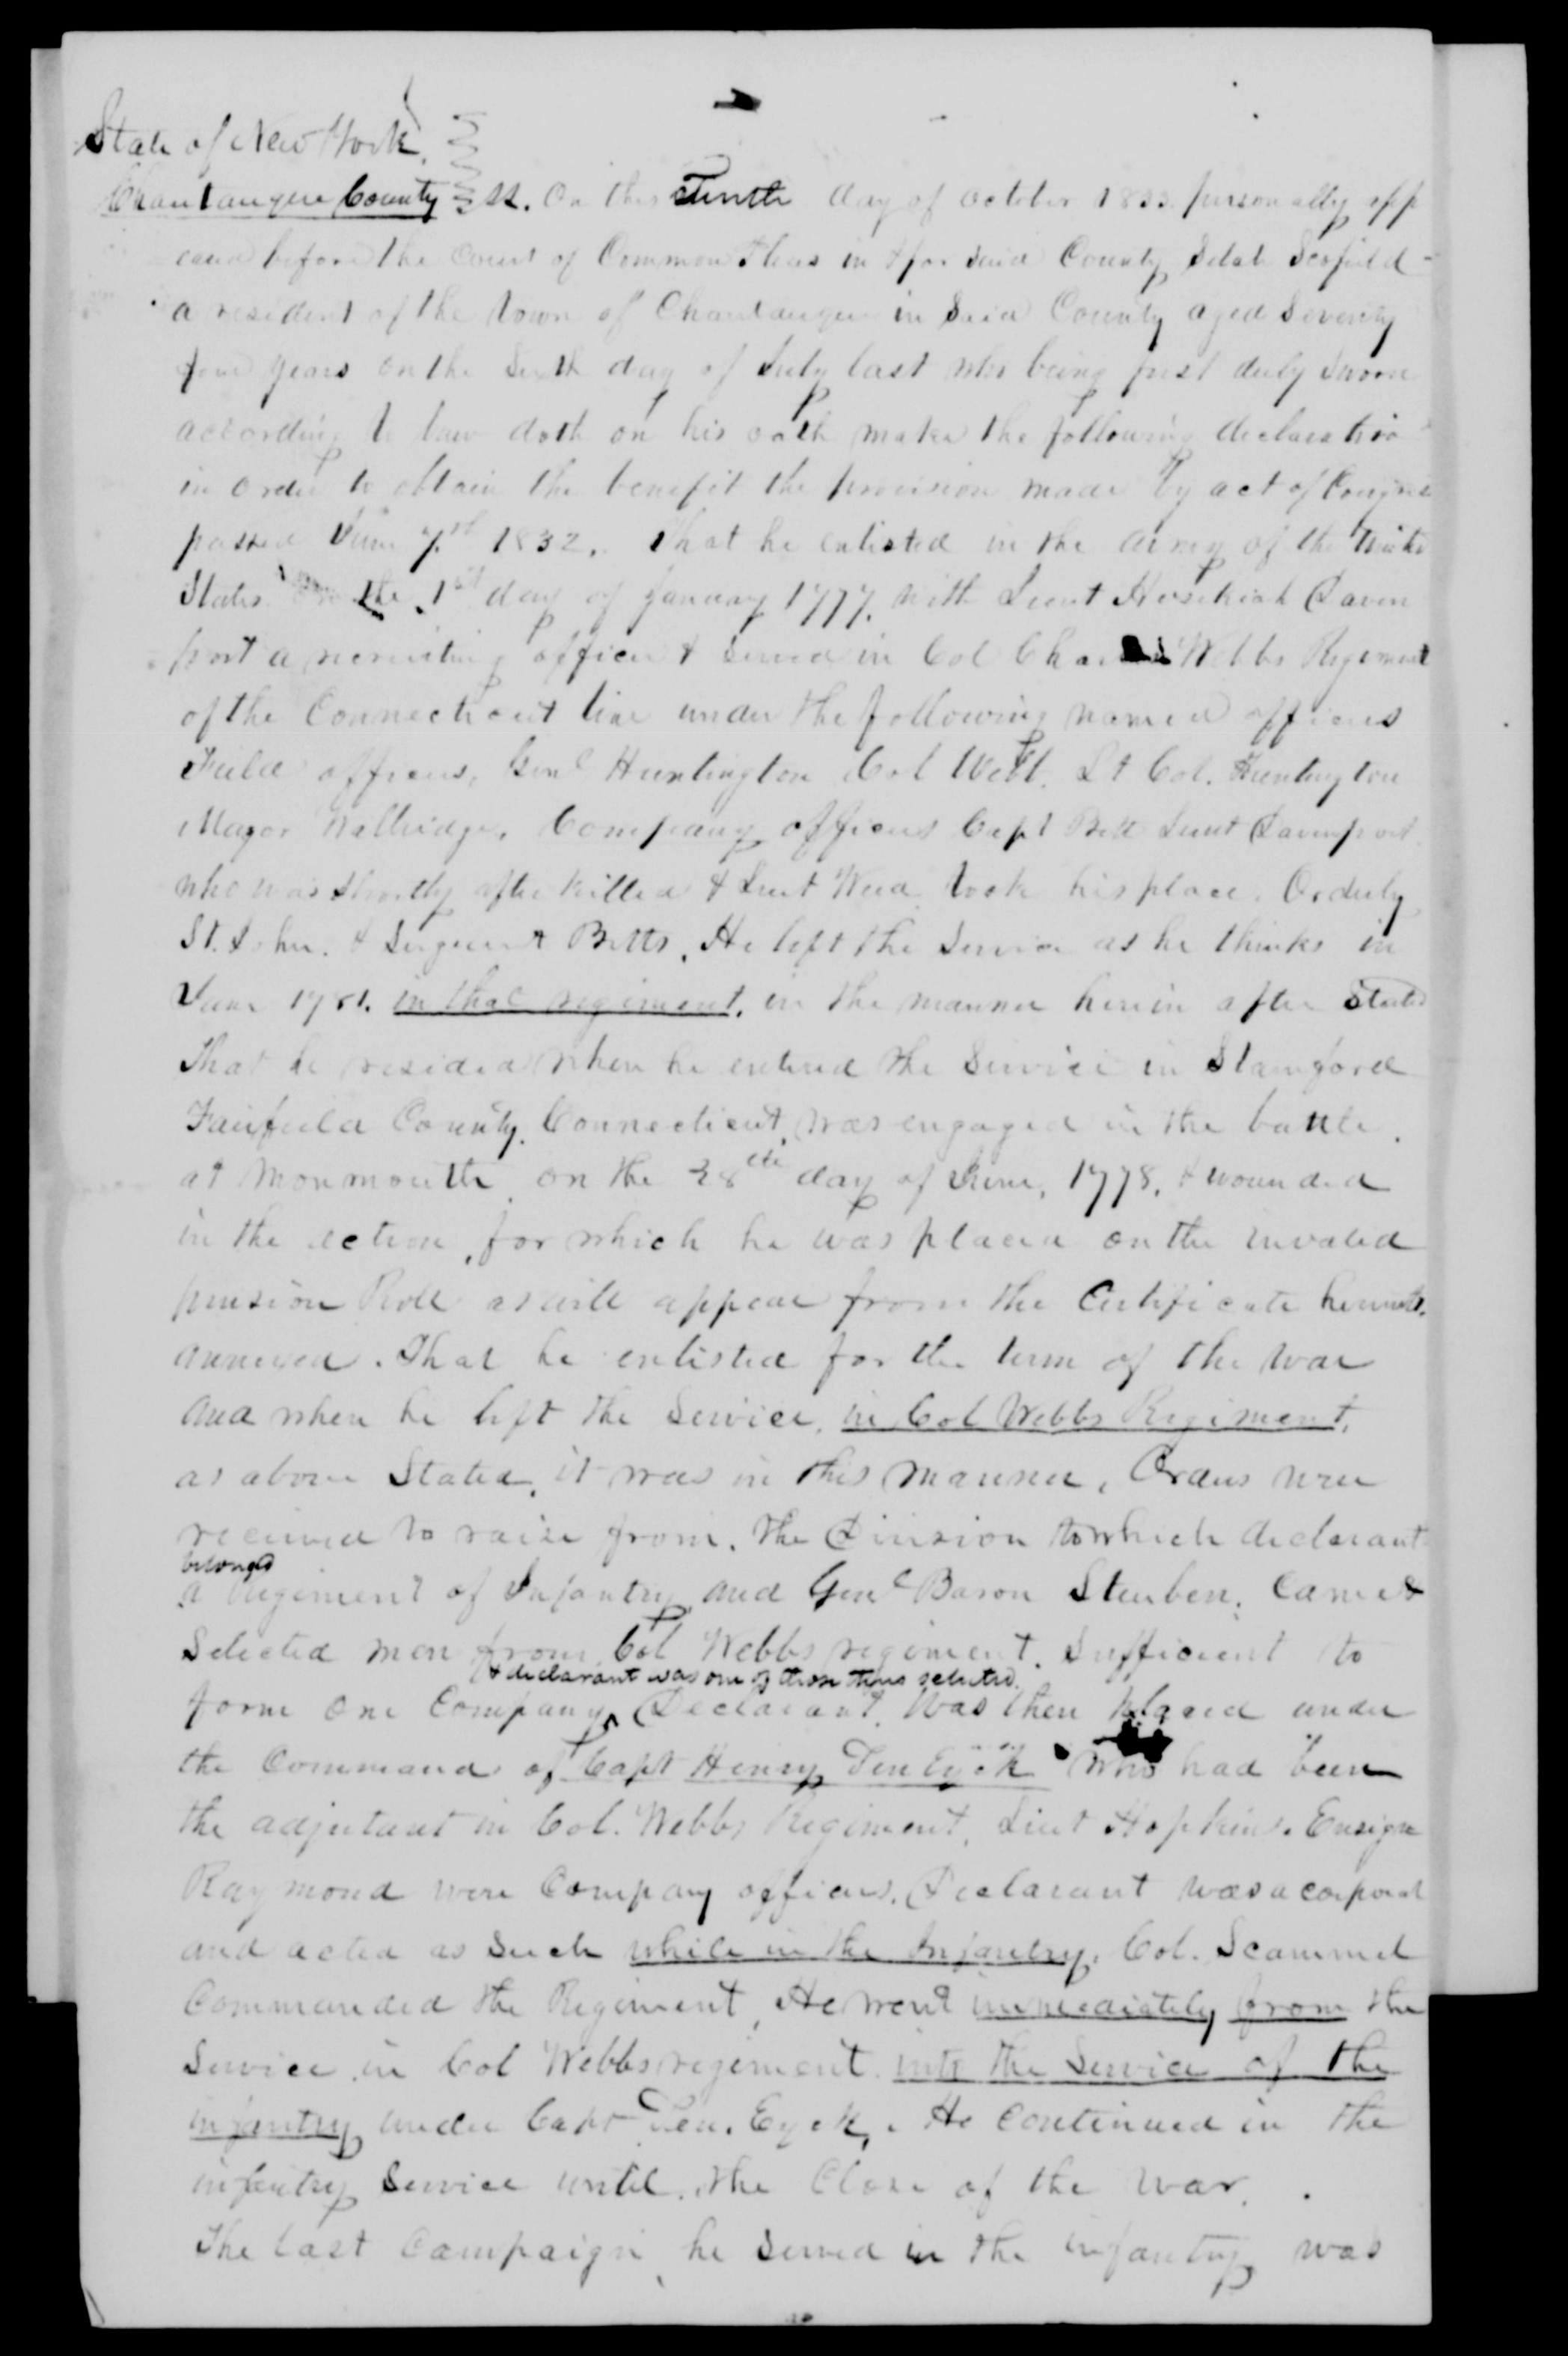State of New York 
Chautauqua County } ss. On this tenth day of October 1833 personally appeared before the Court of Common Pleas in & for said County Selah Scofield a resident of the town of Chautauqua in said County aged Seventy four years on the Sixth day of July last past who being first duly sworn according to law doth on his oath make the following declaration in order to obtain the benefit the provision made by act of Congress passed June 7th 1832.  That he enlisted in the army of the United States on the 1st day of January 1777 with Lieut Hezekiah Caven part a recruiting officer & served in Col Charles Webbs Regiment of the Connecticut line under the following named officers, Field officers, Genl Huntington,  Col Webb, Lt Col. Huntington, Major Walbridge, Company officers,  Capt Betts,  Lieut Davenport, who was shortly after killed & Lieut Weed took his place. Orderly St. John & Sergeant Betts. He left the service as he thinks in June 1781 in that regiment in the manner herein after stated.  
That he resided when he entered the service in Stamford Fairfield County Connecticut was engaged in the battle at Monmouth on the 28th day of June, 1778, & wounded in the action for which he was placed on the invalid pension Roll as will appear from the Certificate hereto annexed. That he enlisted for the term of the war and when he left the service, in Col Webbs Regiment as above stated, it was in this manner, Orders were received to raise from the Division to which declarant belonged a Regiment of Infantry and Genl Baron Steuben Came & selected men from Col Webbs regiment.  Sufficient to form one company & declarant was one of them thus selected.  Declarant was then placed under the command of Capt Henry Ten Eyck who had been the adjutant in Col. Webbs Regiment,  Lieut Hopkins, Ensign Raymond were company officers.  Declarant was a corporal and acted as such while in the Infantry. Col. Scammel commanded the Regiment. He went immediately from the service in Col Webbs regiment into the service of the infantry under Capt Ten Eyck. He continued in the infantry service until the close of the war.  The last campaign he served in the infantry was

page: 3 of 36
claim: survivor's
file: S. 10,004, for Seely Scofield, Connecticut